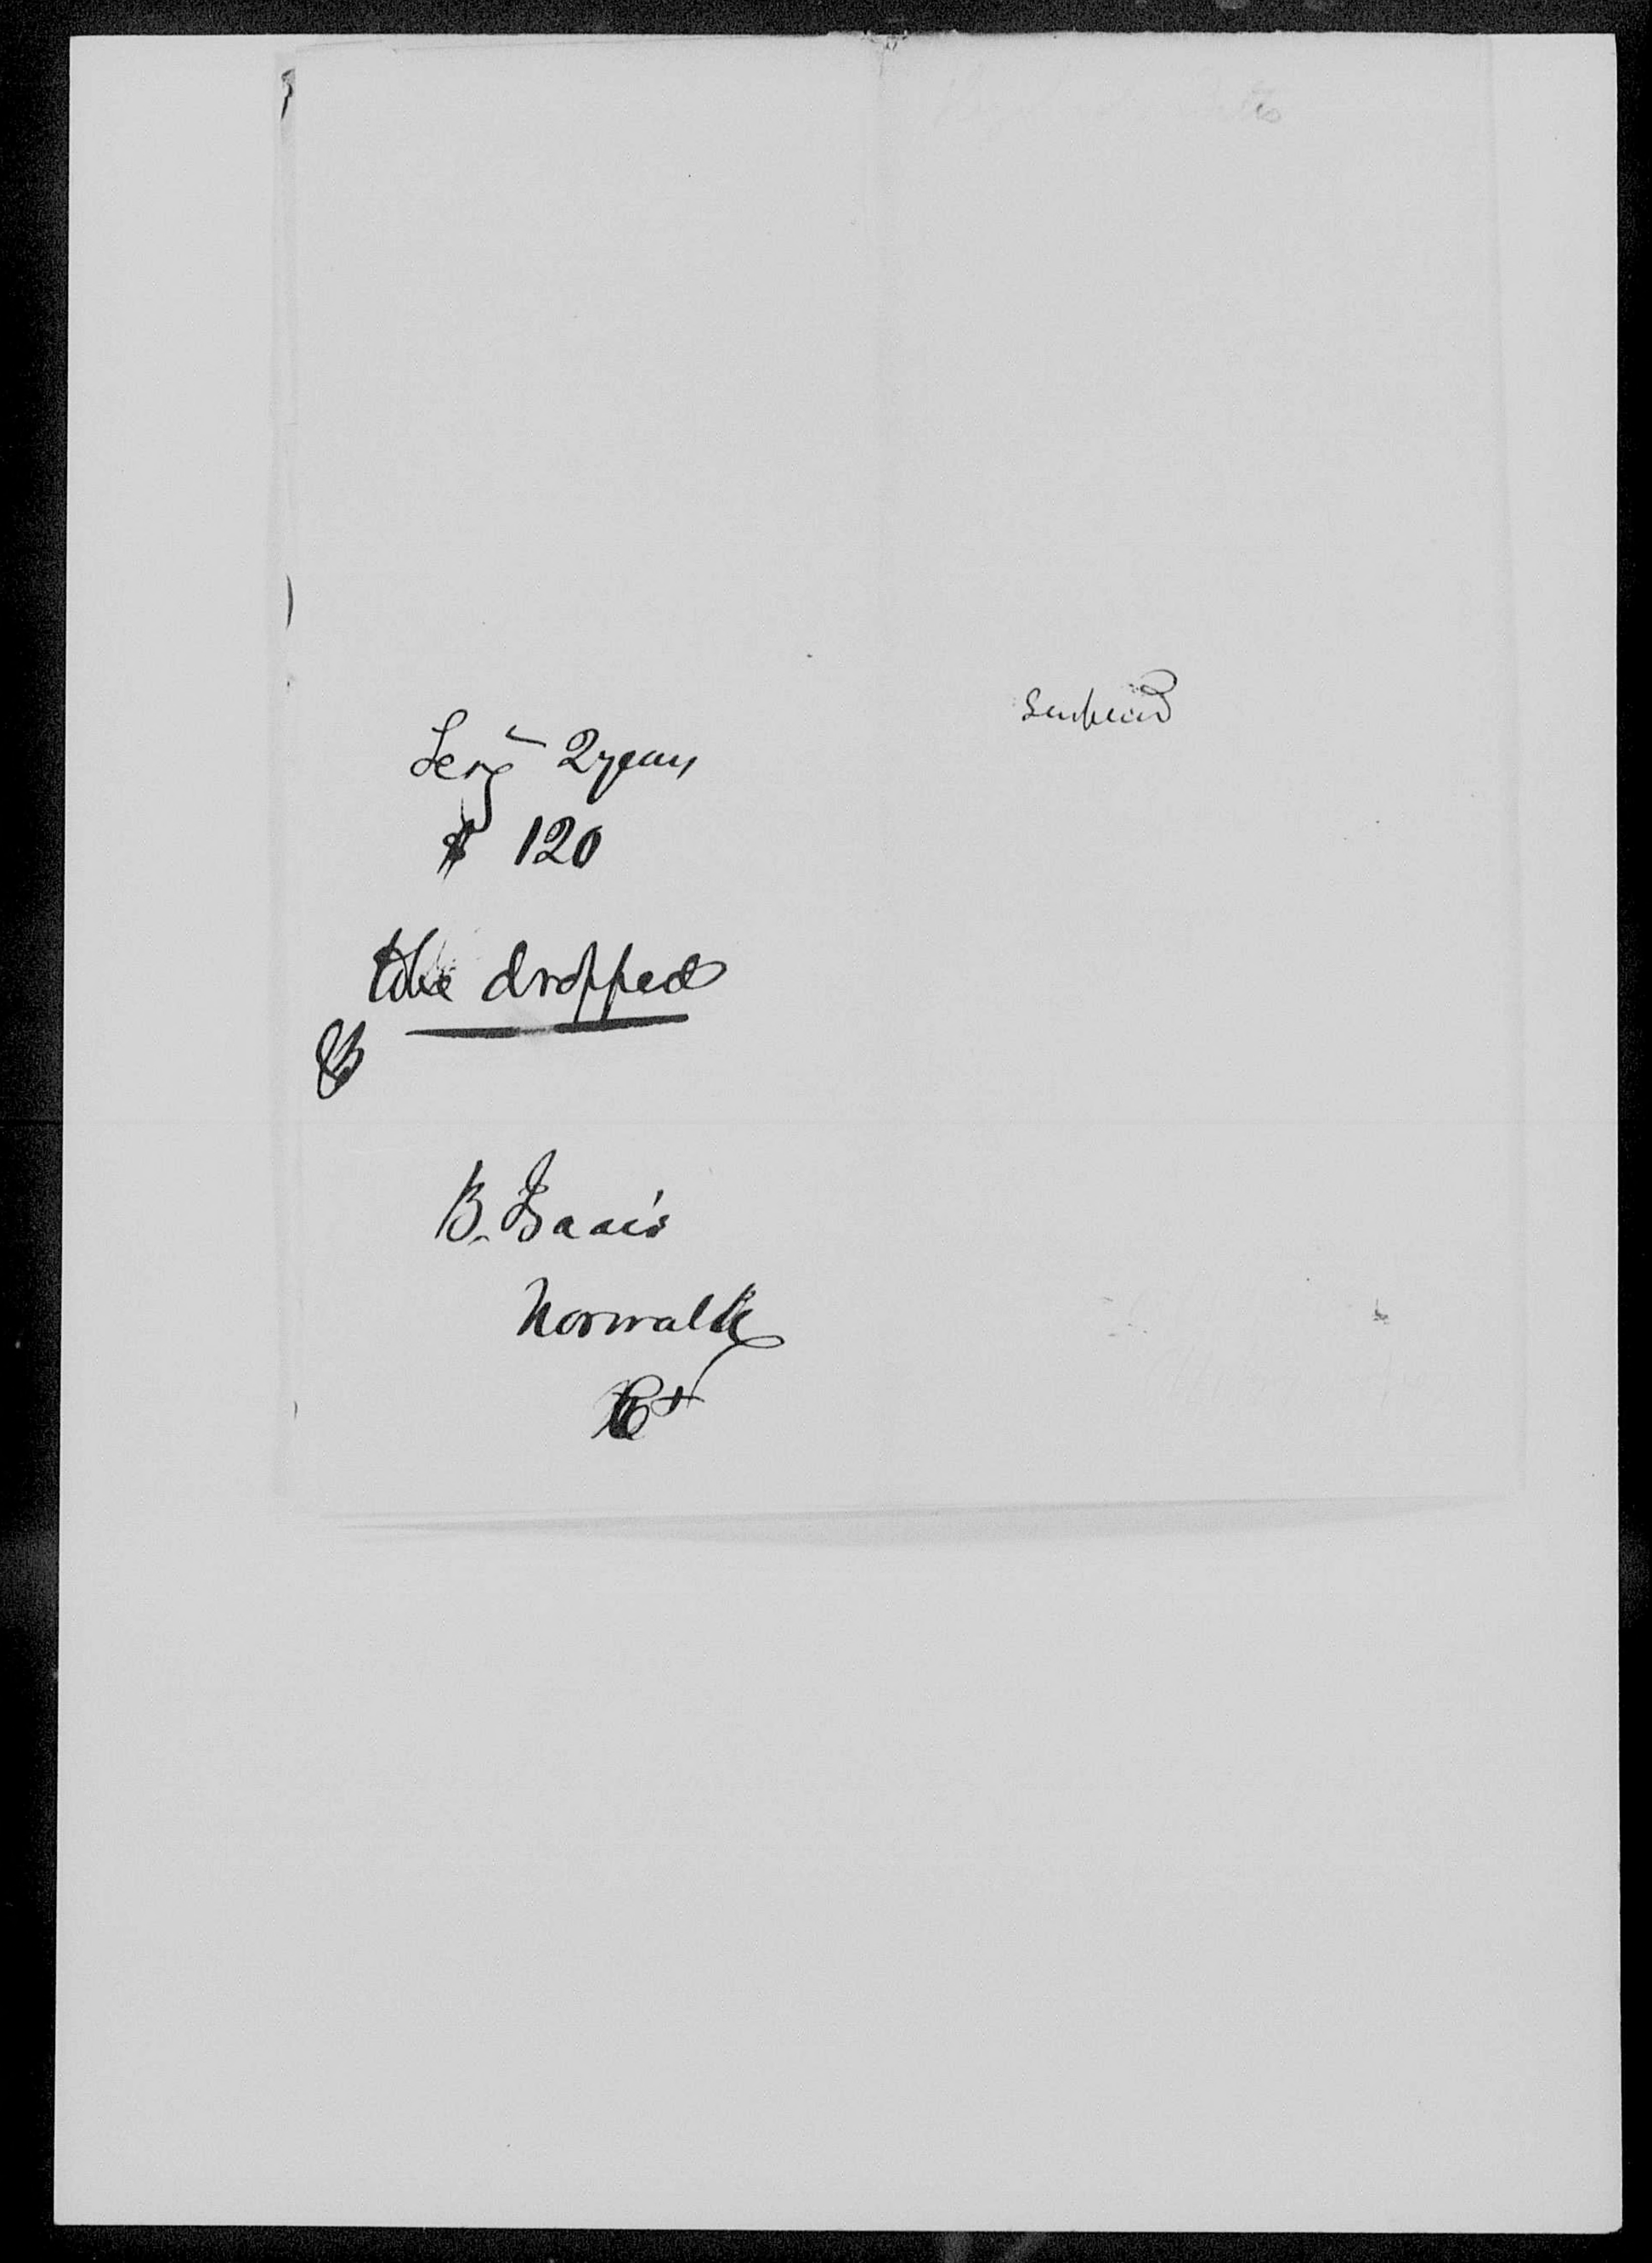[illegible]

Serg- 2 years
$120

to be dropped 

B. Isaac's 
Norwalk 
Ct.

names: B Isaacs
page: 8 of 61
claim: widow's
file: W. 29,929, Hezekiah Betts, Conn.